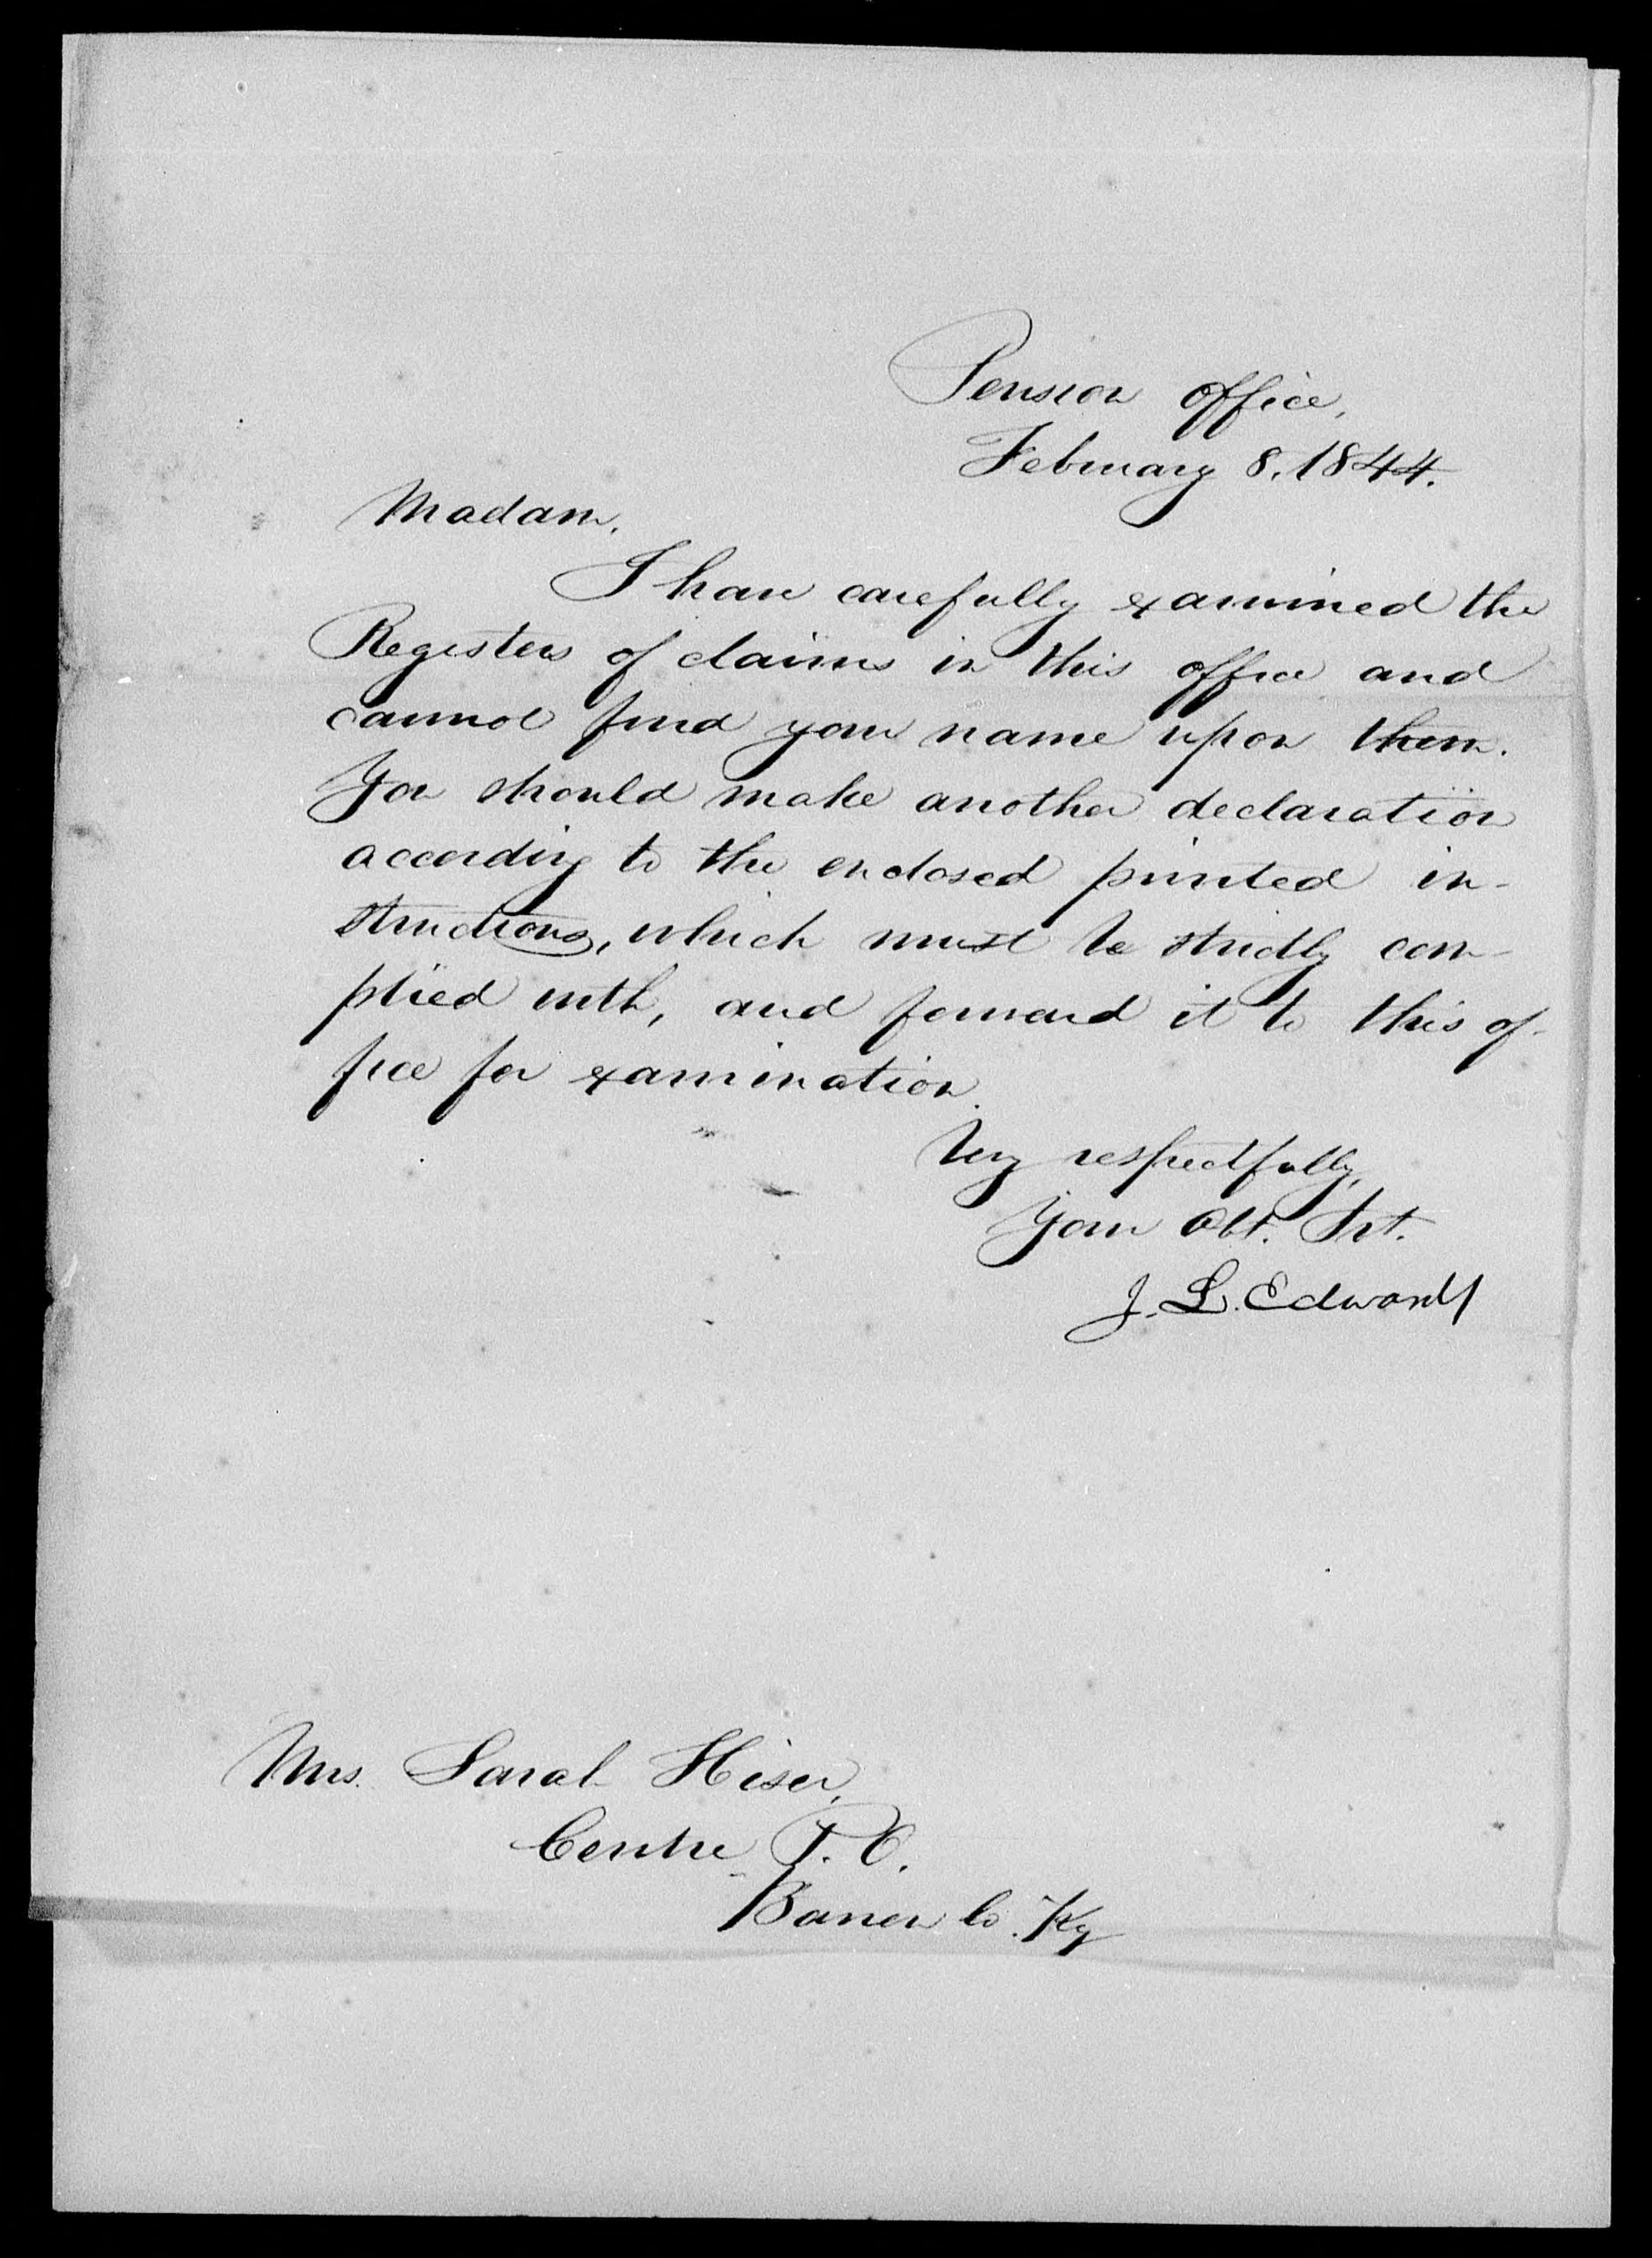Pension Office,
February 8, 1844.

Madam,
 I have carefully examined the Registers of claims in this office and cannot find your name upon them. You should make another declaration according to the enclosed printed instructions, which must be strictly complied with, and forward it to this office for examination.
Very respectfully,
Your obt. Svt.
J. L. Edwards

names: J L Edwards, Sarah Hiser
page: 40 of 58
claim: widow's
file: W. 8932, John Hiser, Penn.